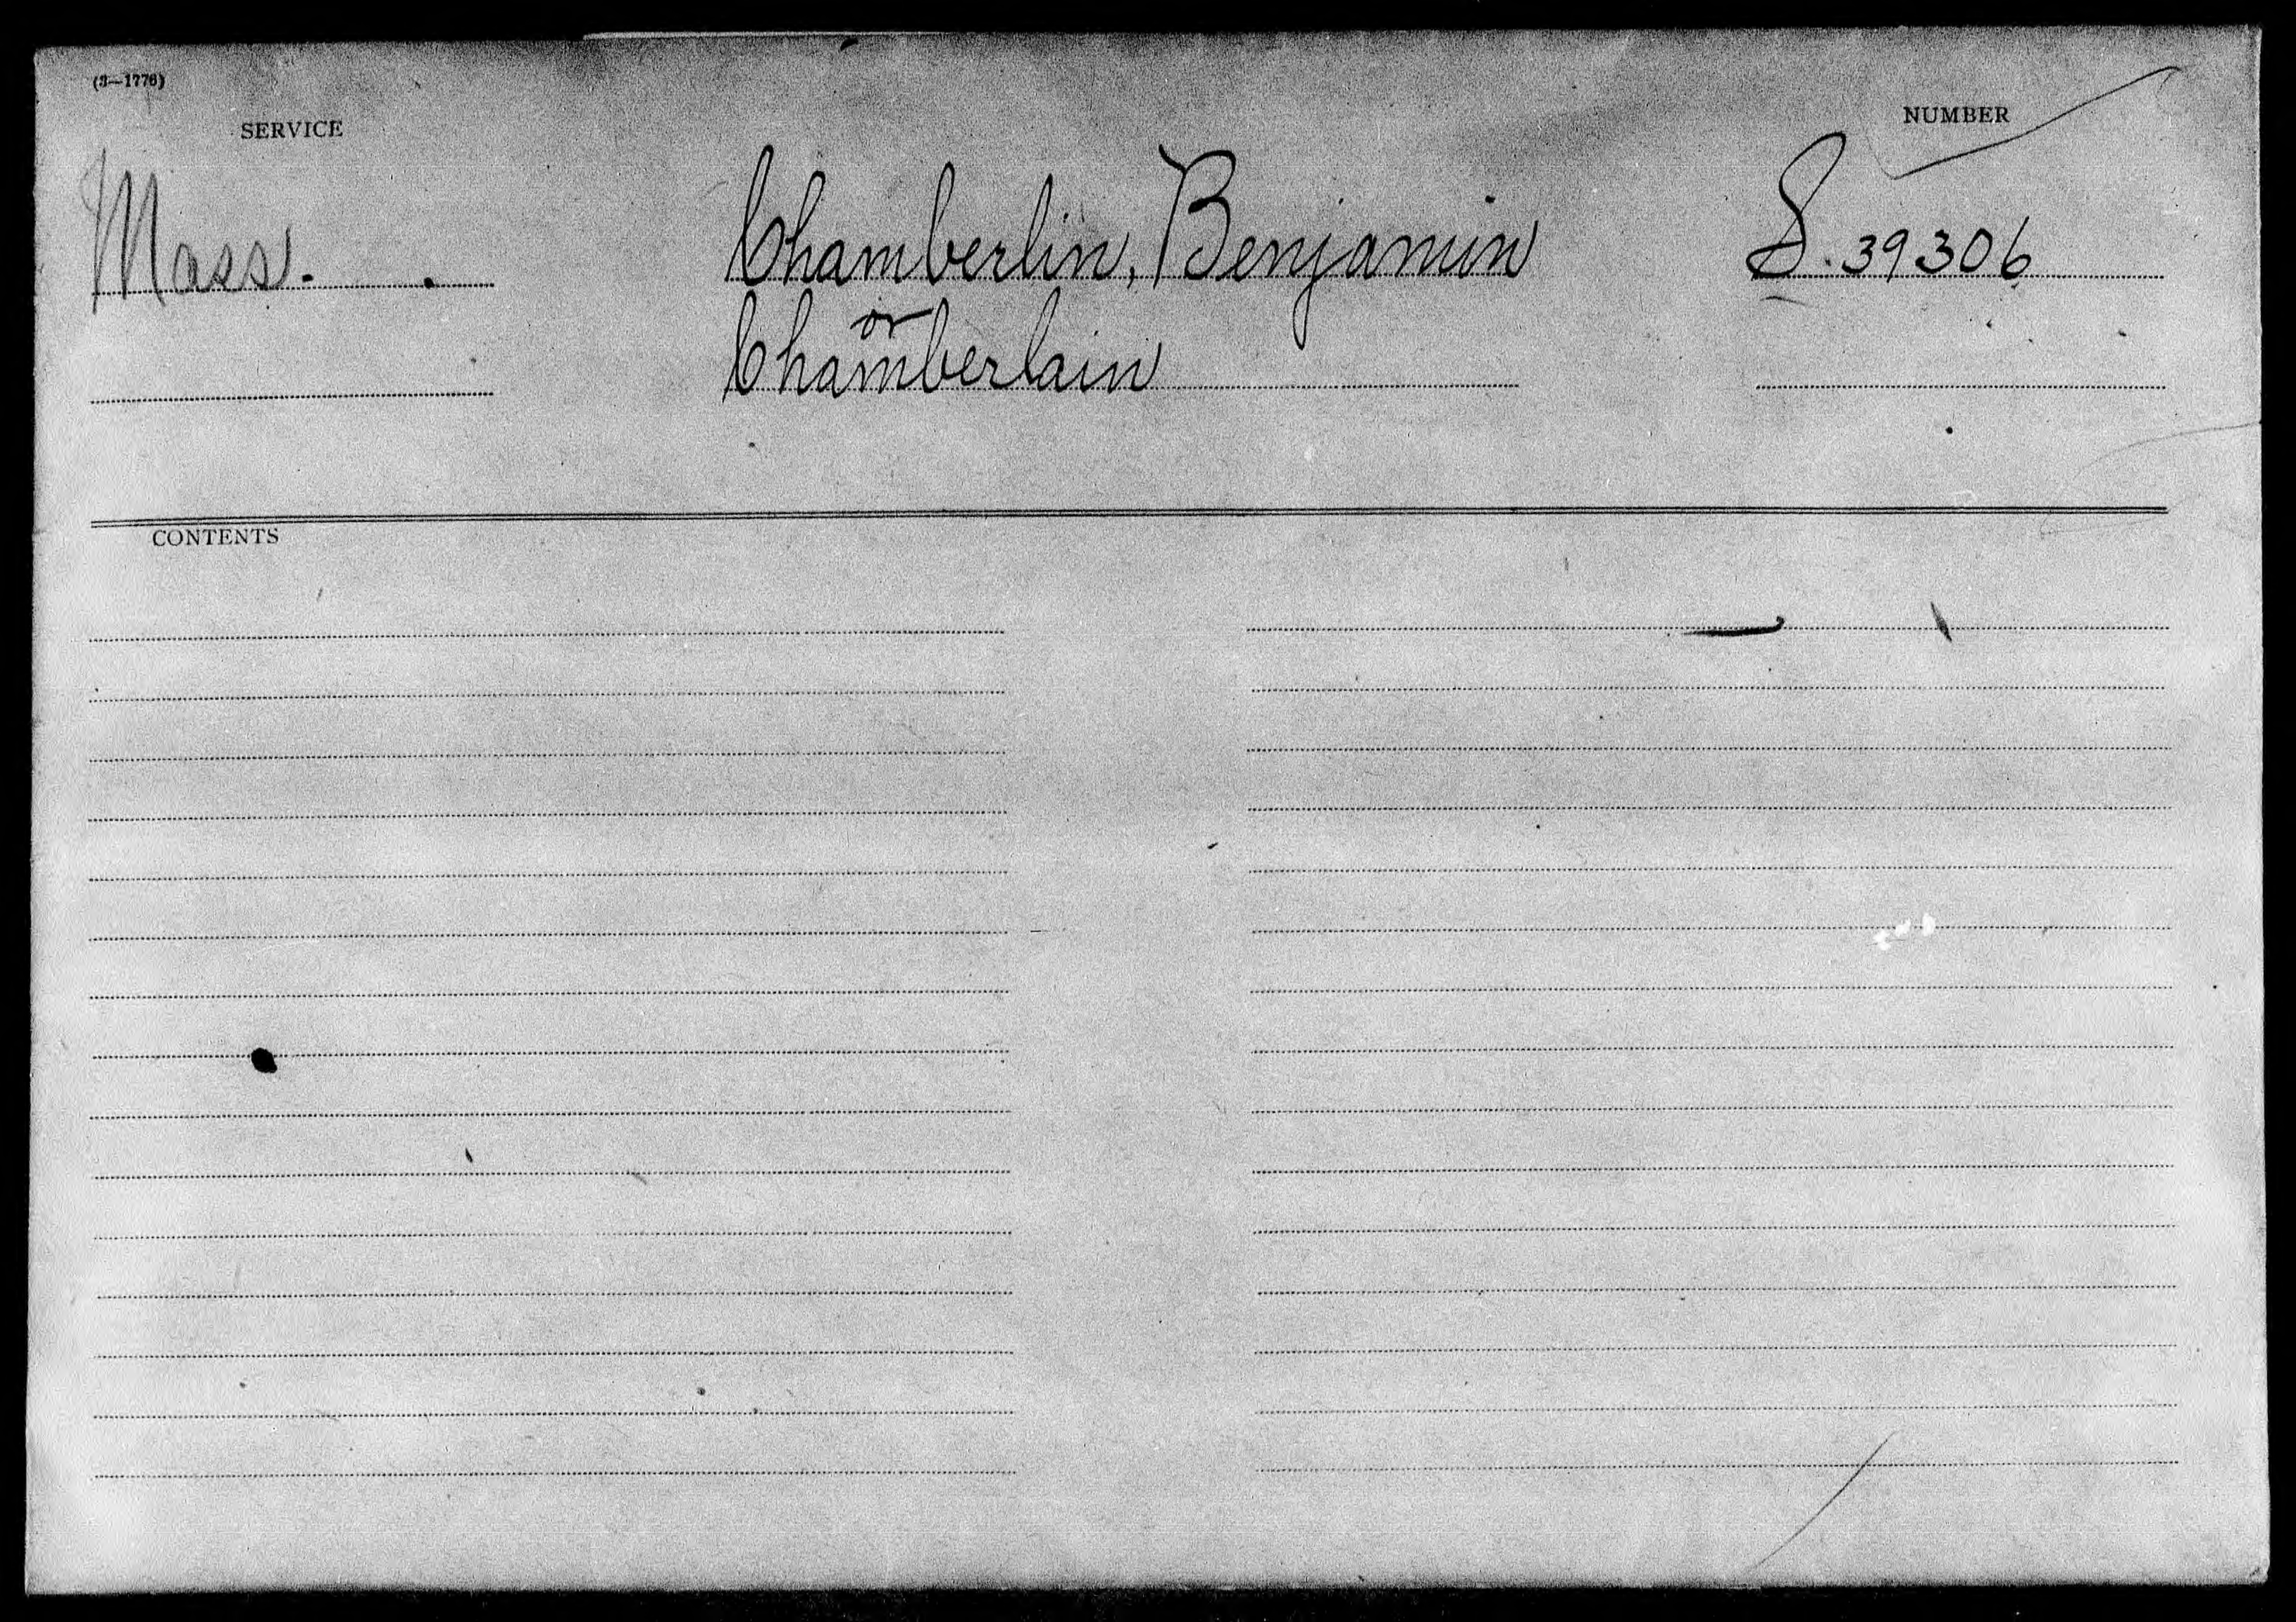Service                                          Number
Mass.   Chamberlin, Benjamin       S 39306
          or Chamberlain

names: Benjamin Chamberlain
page: 1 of 30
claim: survivor's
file: S. 39306, Benjamin Chamberlin, Mass.